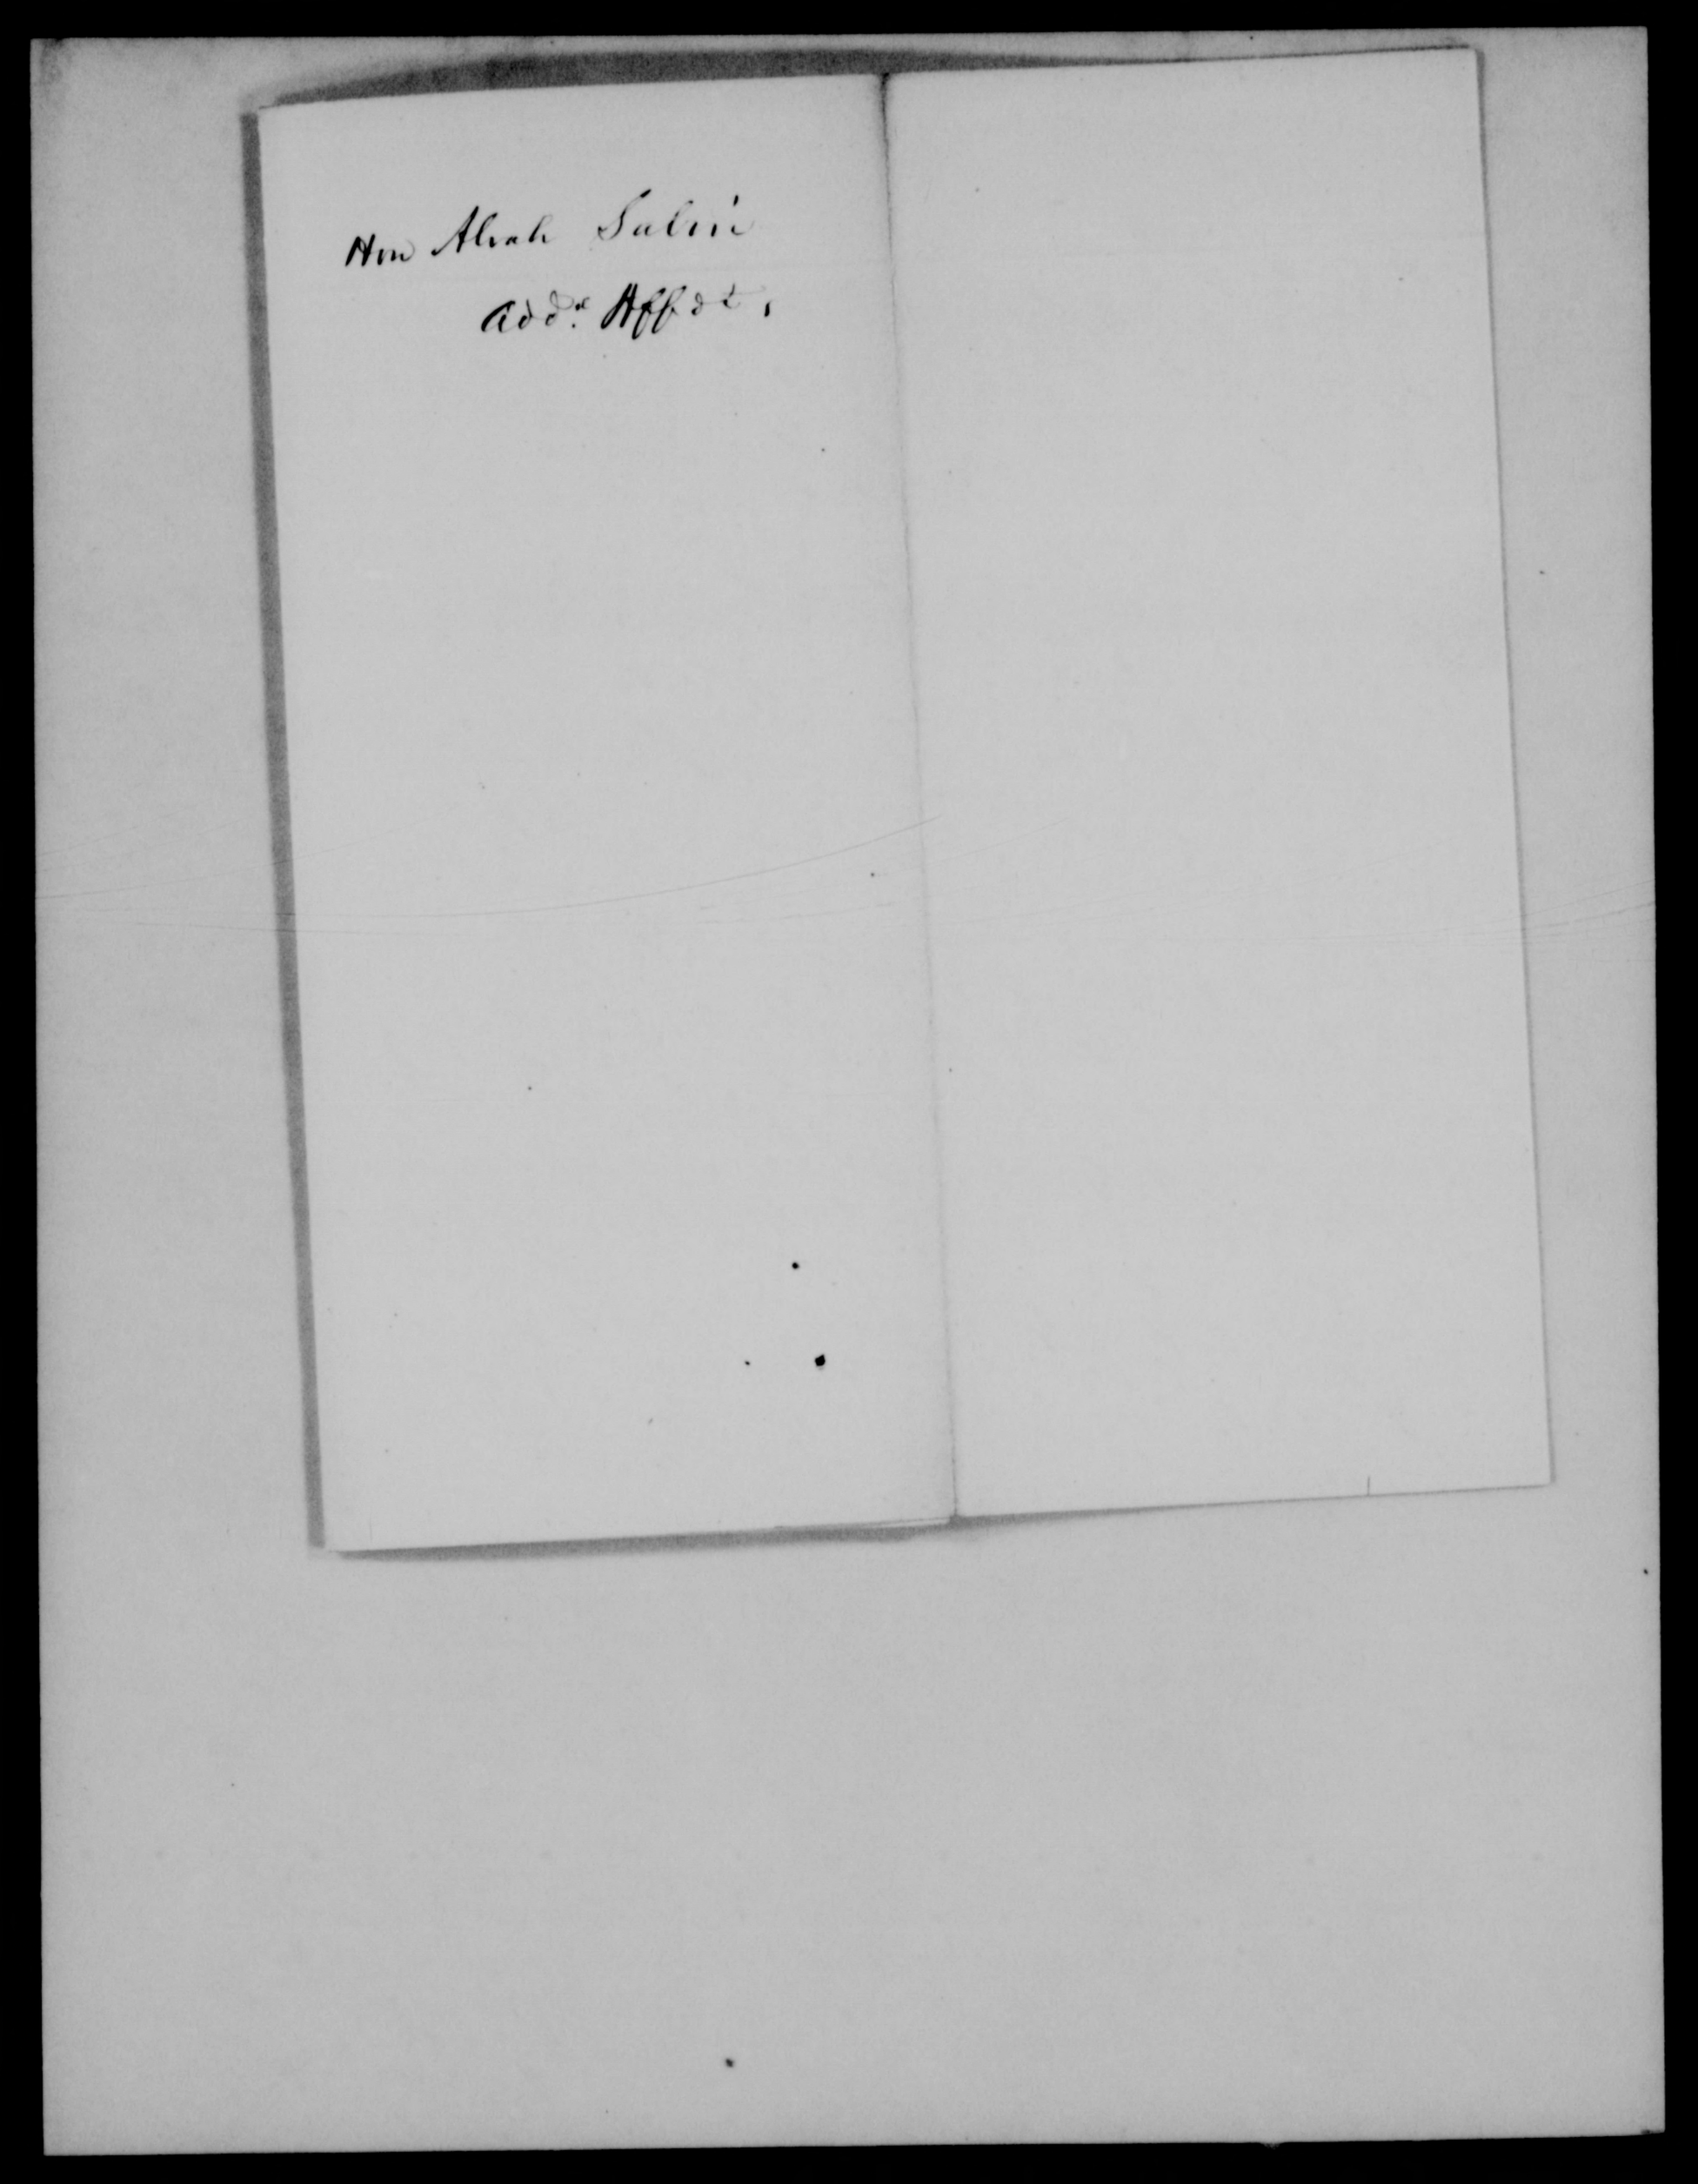Hon. Alvah Sabin
Add'l Affdt.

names: Alvah Sabin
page: 6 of 64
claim: widow's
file: W. 5831, Edmund Town, Mass.